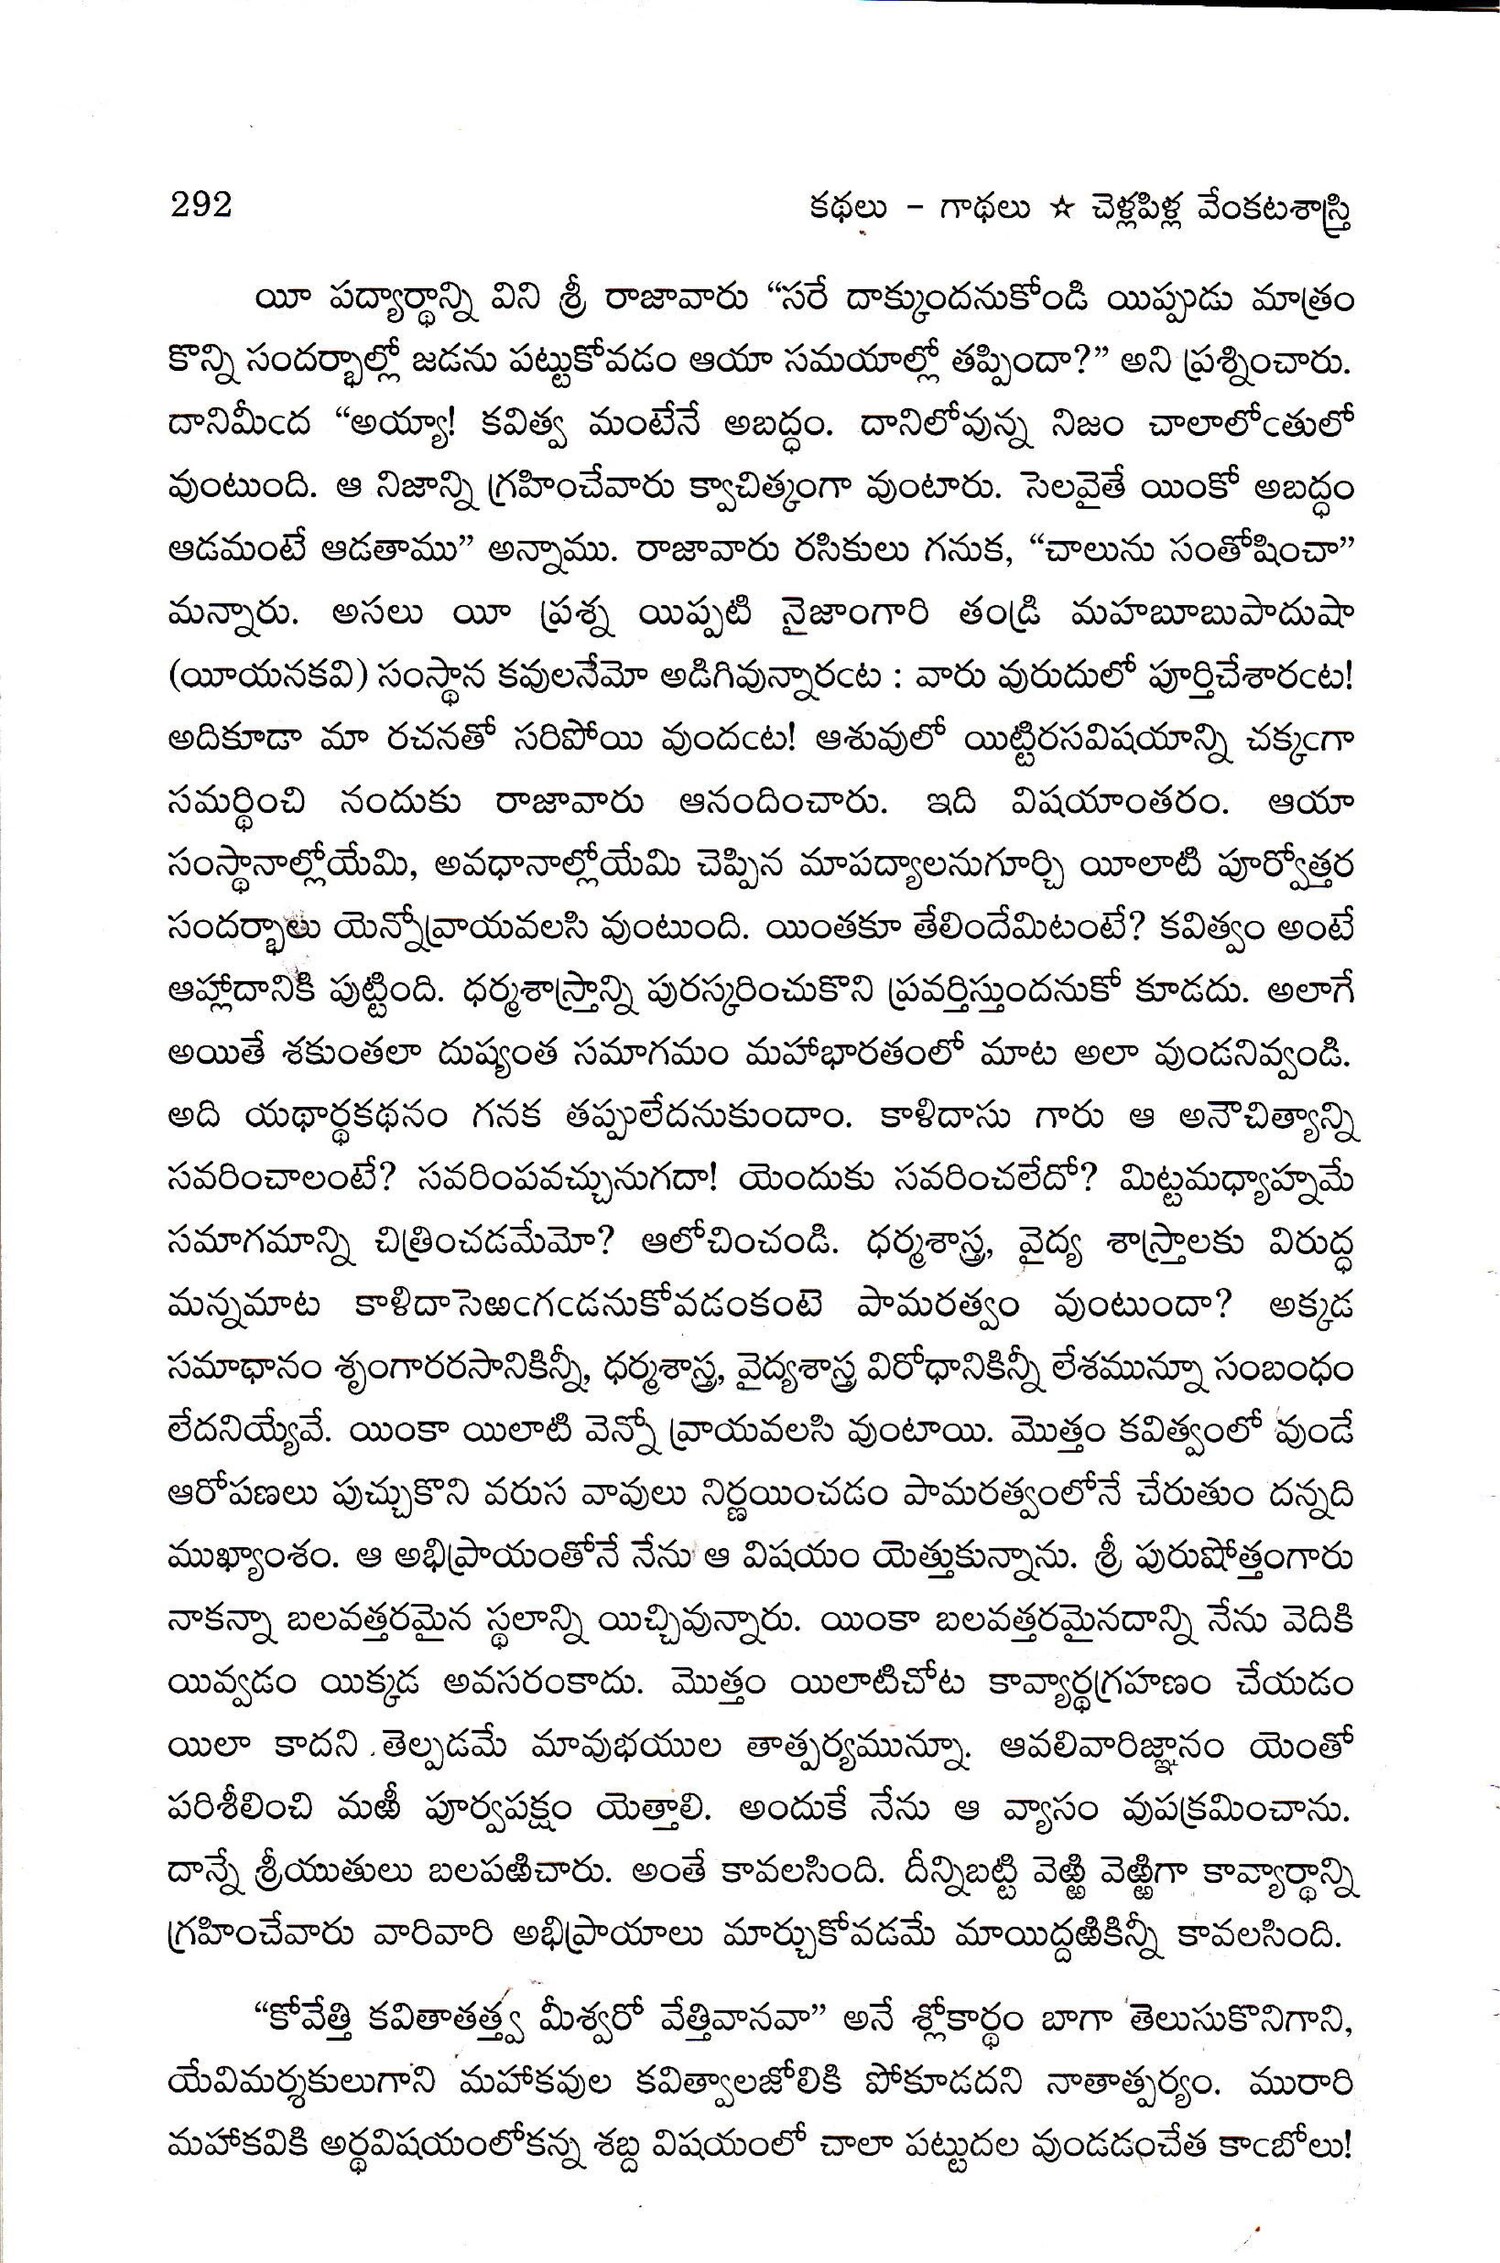యీ పద్యార్ధాన్ని విని శ్రీ రాజావారు “సరే దాక్కుందనుకోండి యిప్పుడు మాత్రం కొన్ని సందర్భాల్లో జడను పట్టుకోవడం ఆయా సమయాల్లో తప్పిందా?” అని ప్రశ్నించారు. దానిమీఁద “అయ్యా! కవిత్వ మంటేనే అబద్ధం. దానిలోవున్న నిజం చాలాలోఁతులో వుంటుంది. ఆ నిజాన్ని గ్రహించేవారు క్వాచిత్కంగా వుంటారు. సెలవైతే యింకో అబద్ధం ఆడమంటే ఆడతాము" అన్నాము. రాజావారు రసికులు గనుక, “చాలును సంతోషించా" మన్నారు. అసలు యీ ప్రశ్న యిప్పటి నైజాంగారి తండ్రి మహబూబుపాదుషా (యీయనకవి) సంస్థాన కవులనేమో అడిగివున్నారఁట : వారు వురుదులో పూర్తిచేశారఁట! అదికూడా మా రచనతో సరిపోయి వుందఁట! ఆశువులో యిట్టిరసవిషయాన్ని చకఁగా సమర్ధించి నందుకు రాజావారు ఆనందించారు. ఇది విషయాంతరం. ఆయా సంస్థానాల్లోయేమి, అవధానాల్లోయేమి చెప్పిన మాపద్యాలనుగూర్చి యీలాటి పూర్వోత్తర సందర్భాలు యెన్నోవ్రాయవలసి వుంటుంది. యింతకూ తేలిందేమిటంటే? కవిత్వం అంటే ఆహ్లాదానికి పుట్టింది. ధర్మశ్త్రాన్ని పురస్కరించుకొని ప్రవర్తిస్తుందనుకో కూడదు. అలాగే అయితే శకుంతలా దుష్యంత సమాగమం మహాభారతంలో మాట అలా వుండనివ్వండి. అది యథార్థకథనం గనక తప్పులేదనుకుందాం. కాళిదాసు గారు ఆ అనౌచిత్యాన్ని సవరించాలంటే? సవరింపవచ్చునుగదా! యెందుకు సవరించలేదో? మిట్టమధ్యాహ్నమే సమాగమాన్ని చిత్రించడమేమో? ఆలోచించండి. ధర్మశాస్త్ర, వైద్య శాస్త్రాలకు విరుద్ధ మన్నమాట కాళిదాసెఱఁగఁడనుకోవడంకంటె పామరత్వం వుంటుందా? అక్కడ సమాధానం శృంగారరసానికిన్నీ ధర్మశాస్త్ర, వైద్యశాస్త్రవిరోధానికిన్నీ లేశమున్నూ సంబంధం లేదనియ్యేవే. యింకా యిలాటి వెన్నో వ్రాయవలసి వుంటాయి. మొత్తం కవిత్వంలో వుండే ఆరోపణలు పుచ్చుకొని వరుస వావులు నిర్ణయించడం పామరత్వంలోనే చేరుతుం దన్నది ముఖ్యాంశం. ఆ అభిప్రాయంతోనే నేను ఆ విషయం యెత్తుకున్నాను. శ్రీ పురుషోత్తంగారు నాకన్నా బలవత్తరమైన స్థలాన్ని యిచ్చివున్నారు. యింకా బలవత్తరమైనదాన్ని నేను వెదికి యివ్వడం యిక్కడ అవసరంకాదు. మొత్తం యిలాటిచోట కావ్యార్ధగ్రహణం చేయడం యిలా కాదని తెల్పడమే మావుభయుల తాత్పర్యమున్నూ ఆవలివారిజ్ఞానం యెంతో పరిశీలించి మఱీ పూర్వపక్షం యెత్తాలి. అందుకే నేను ఆ వ్యాసం వుపక్రమించాను. దాన్నే శ్రీయుతులు బలపఱిచారు. అంతే కావలసింది. దీన్నిబట్టి వెఱ్ఱి వెఱ్ఱిగా కావ్యార్ధాన్ని గ్రహించేవారు వారివారి అభిప్రాయాలు మార్చుకోవడమే మాయిద్దఱికిన్నీ కావలసింది.

“కోవేత్తి కవితాతత్త్వ మీశ్వరో వేత్తివానవా" అనే శ్లోకార్థం బాగా తెలుసుకొనిగాని, యేవిమర్శకులుగాని మహాకవుల కవిత్వాలజోలికి పోకూడదని నాతాత్పర్యం. మురారి మహాకవికి అర్థవిషయంలోకన్న శబ్ద విషయంలో చాలా పట్టుదల వుండడంచేత కాఁబోలు!